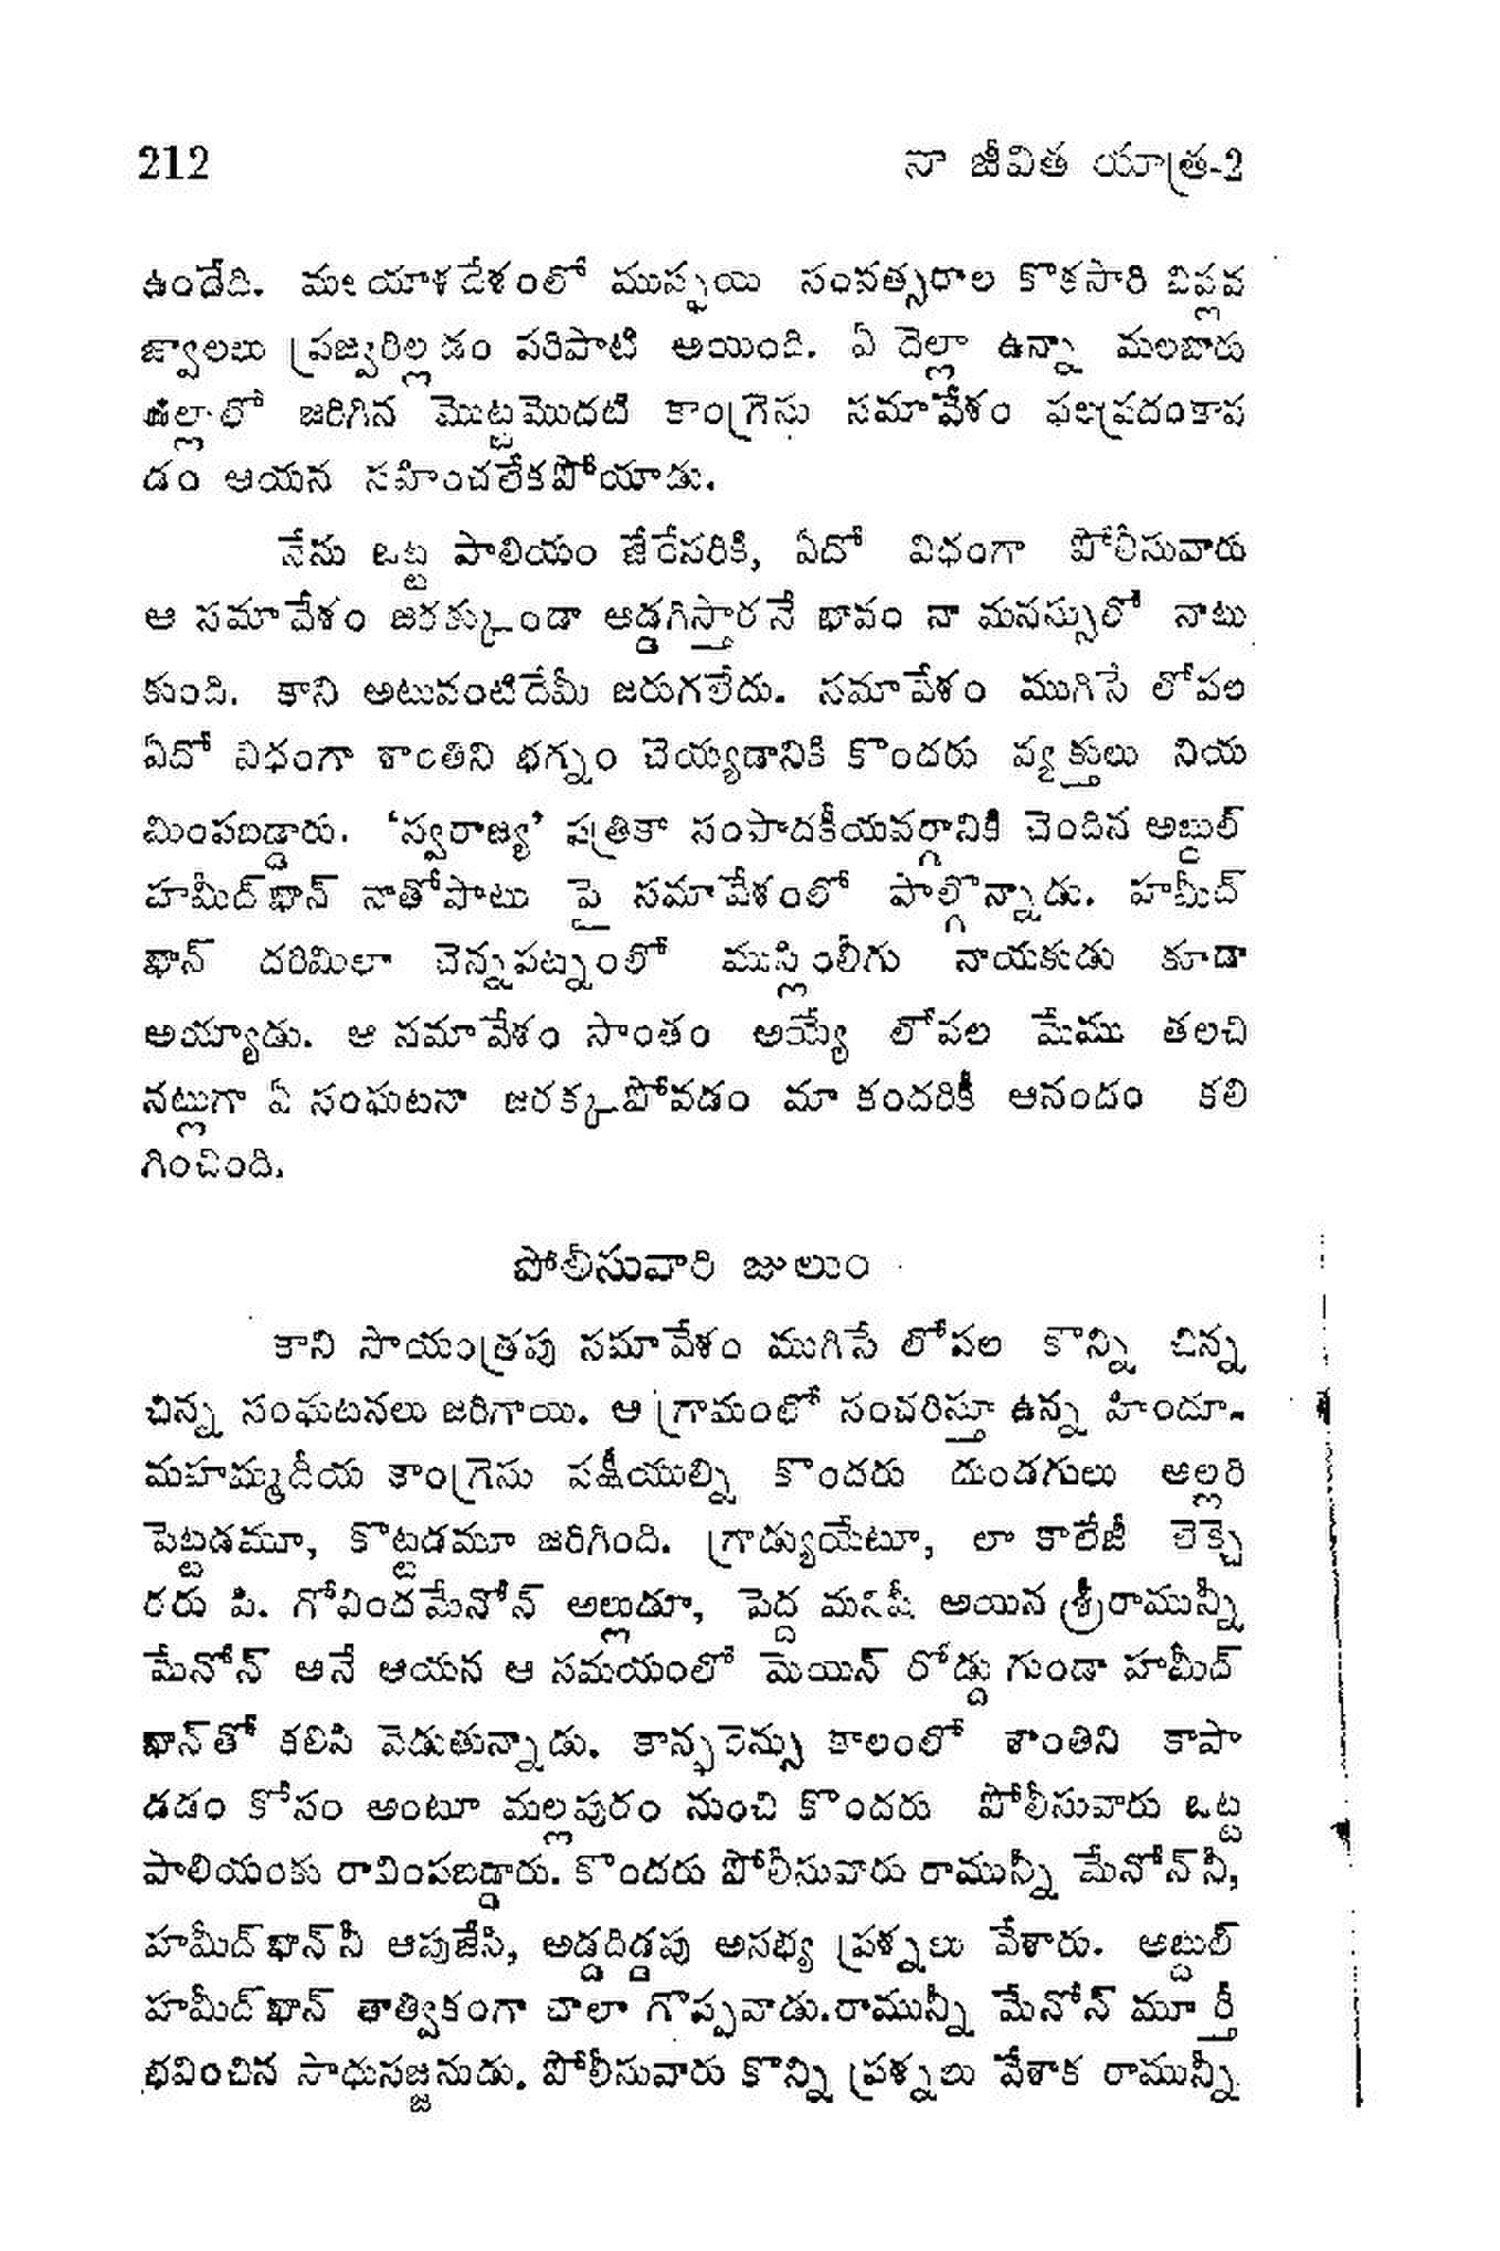ఉండేది. మలయాళదేశంలో ముప్పయి సంవత్సరాల కొకసారి విప్లవ జ్వాలలు ప్రజ్వరిల్లడం పరిపాటి అయింది. ఏదెల్లా ఉన్నా మలబారు జిల్లాలో జరిగిన మొట్టమొదటి కాంగ్రెసు సమావేశం ఫలప్రదంకావడం ఆయన సహించలేక పోయాడు.

నేను ఒట్ట పాలియం జేరేసరికి, ఏదో విధంగా పోలీసువారు ఆ సమావేశం జరక్కుండా అడ్డగిస్తారనే భావం నా మనస్సులో నాటుకుంది. కాని అటువంటిదేమీ జరుగలేదు. సమావేశం ముగిసే లోపల ఏదో విధంగా శాంతిని భగ్నం చెయ్యడానికి కొందరు వ్యక్తులు నియమింపబడ్డారు. "స్వరాజ్య" పత్రికా సంపాదకీయవర్గానికి చెందిన అబ్దుల్ హమీద్‌ఖాన్ నాతోపాటు పై సమావేశంలో పాల్గొన్నాడు. హమీద్ ఖాన్ దరిమిలా చెన్నపట్టణంలో ముస్లింలీగు నాయకుడు కూడా అయ్యాడు. అ సమావేశం సాంతం అయ్యే లోపల మేము తలచినట్లుగా ఏ సంఘటనా జరక్కపోవడం మా కందరికీ ఆనందం కలిగించింది.

కాని సాయంత్రపు సమావేశం ముగిసే లోపల కొన్ని చిన్న చిన్న సంఘటనలు జరిగాయి. ఆ గ్రామంలో సంచరిస్తూ ఉన్న హిందూ-మహమ్మదీయ కాంగ్రెసు పక్షీయుల్ని కొందరు దుండగులు అల్లరి పెట్టడమూ, కొట్టడమూ జరిగింది. గ్రాడ్యుయేటూ, లా కాలేజీ లెక్చెరరు పి. గోవిందమేనోన్ అల్లుడూ, పెద్ద మనిషి అయిన శ్రీరామున్నీ మేనోన్ అనే ఆయన ఆ సమయంలో మెయిన్ రోడ్డు గుండా హమీద్‌ఖాన్‌తో కలిసి వెడుతున్నాడు. కాన్పరెన్స్ కాలంలో శాంతిని కాపాడడం కోసం అంటూ మల్లపురం నుంచి కొందరు పోలీసువారు ఒట్టపాలియంకు రావింపబడ్డారు. కొందరు పోలీసువారు రామున్నీ మేనోన్‌నీ, హమీద్‌ఖాన్‌నీ ఆపుజేసి, అడ్డదిడ్డపు అసభ్య ప్రశ్నలు వేశారు. అబ్దుల్ హమీద్‌ఖాన్ తాత్వికంగా చాలా గొప్పవాడు. రామున్నీ మేనోన్ మూర్తీభవించిన సాధుసజ్జనుడు. పోలీసువారు కొన్ని ప్రశ్నలు వేశాక రామున్నీ